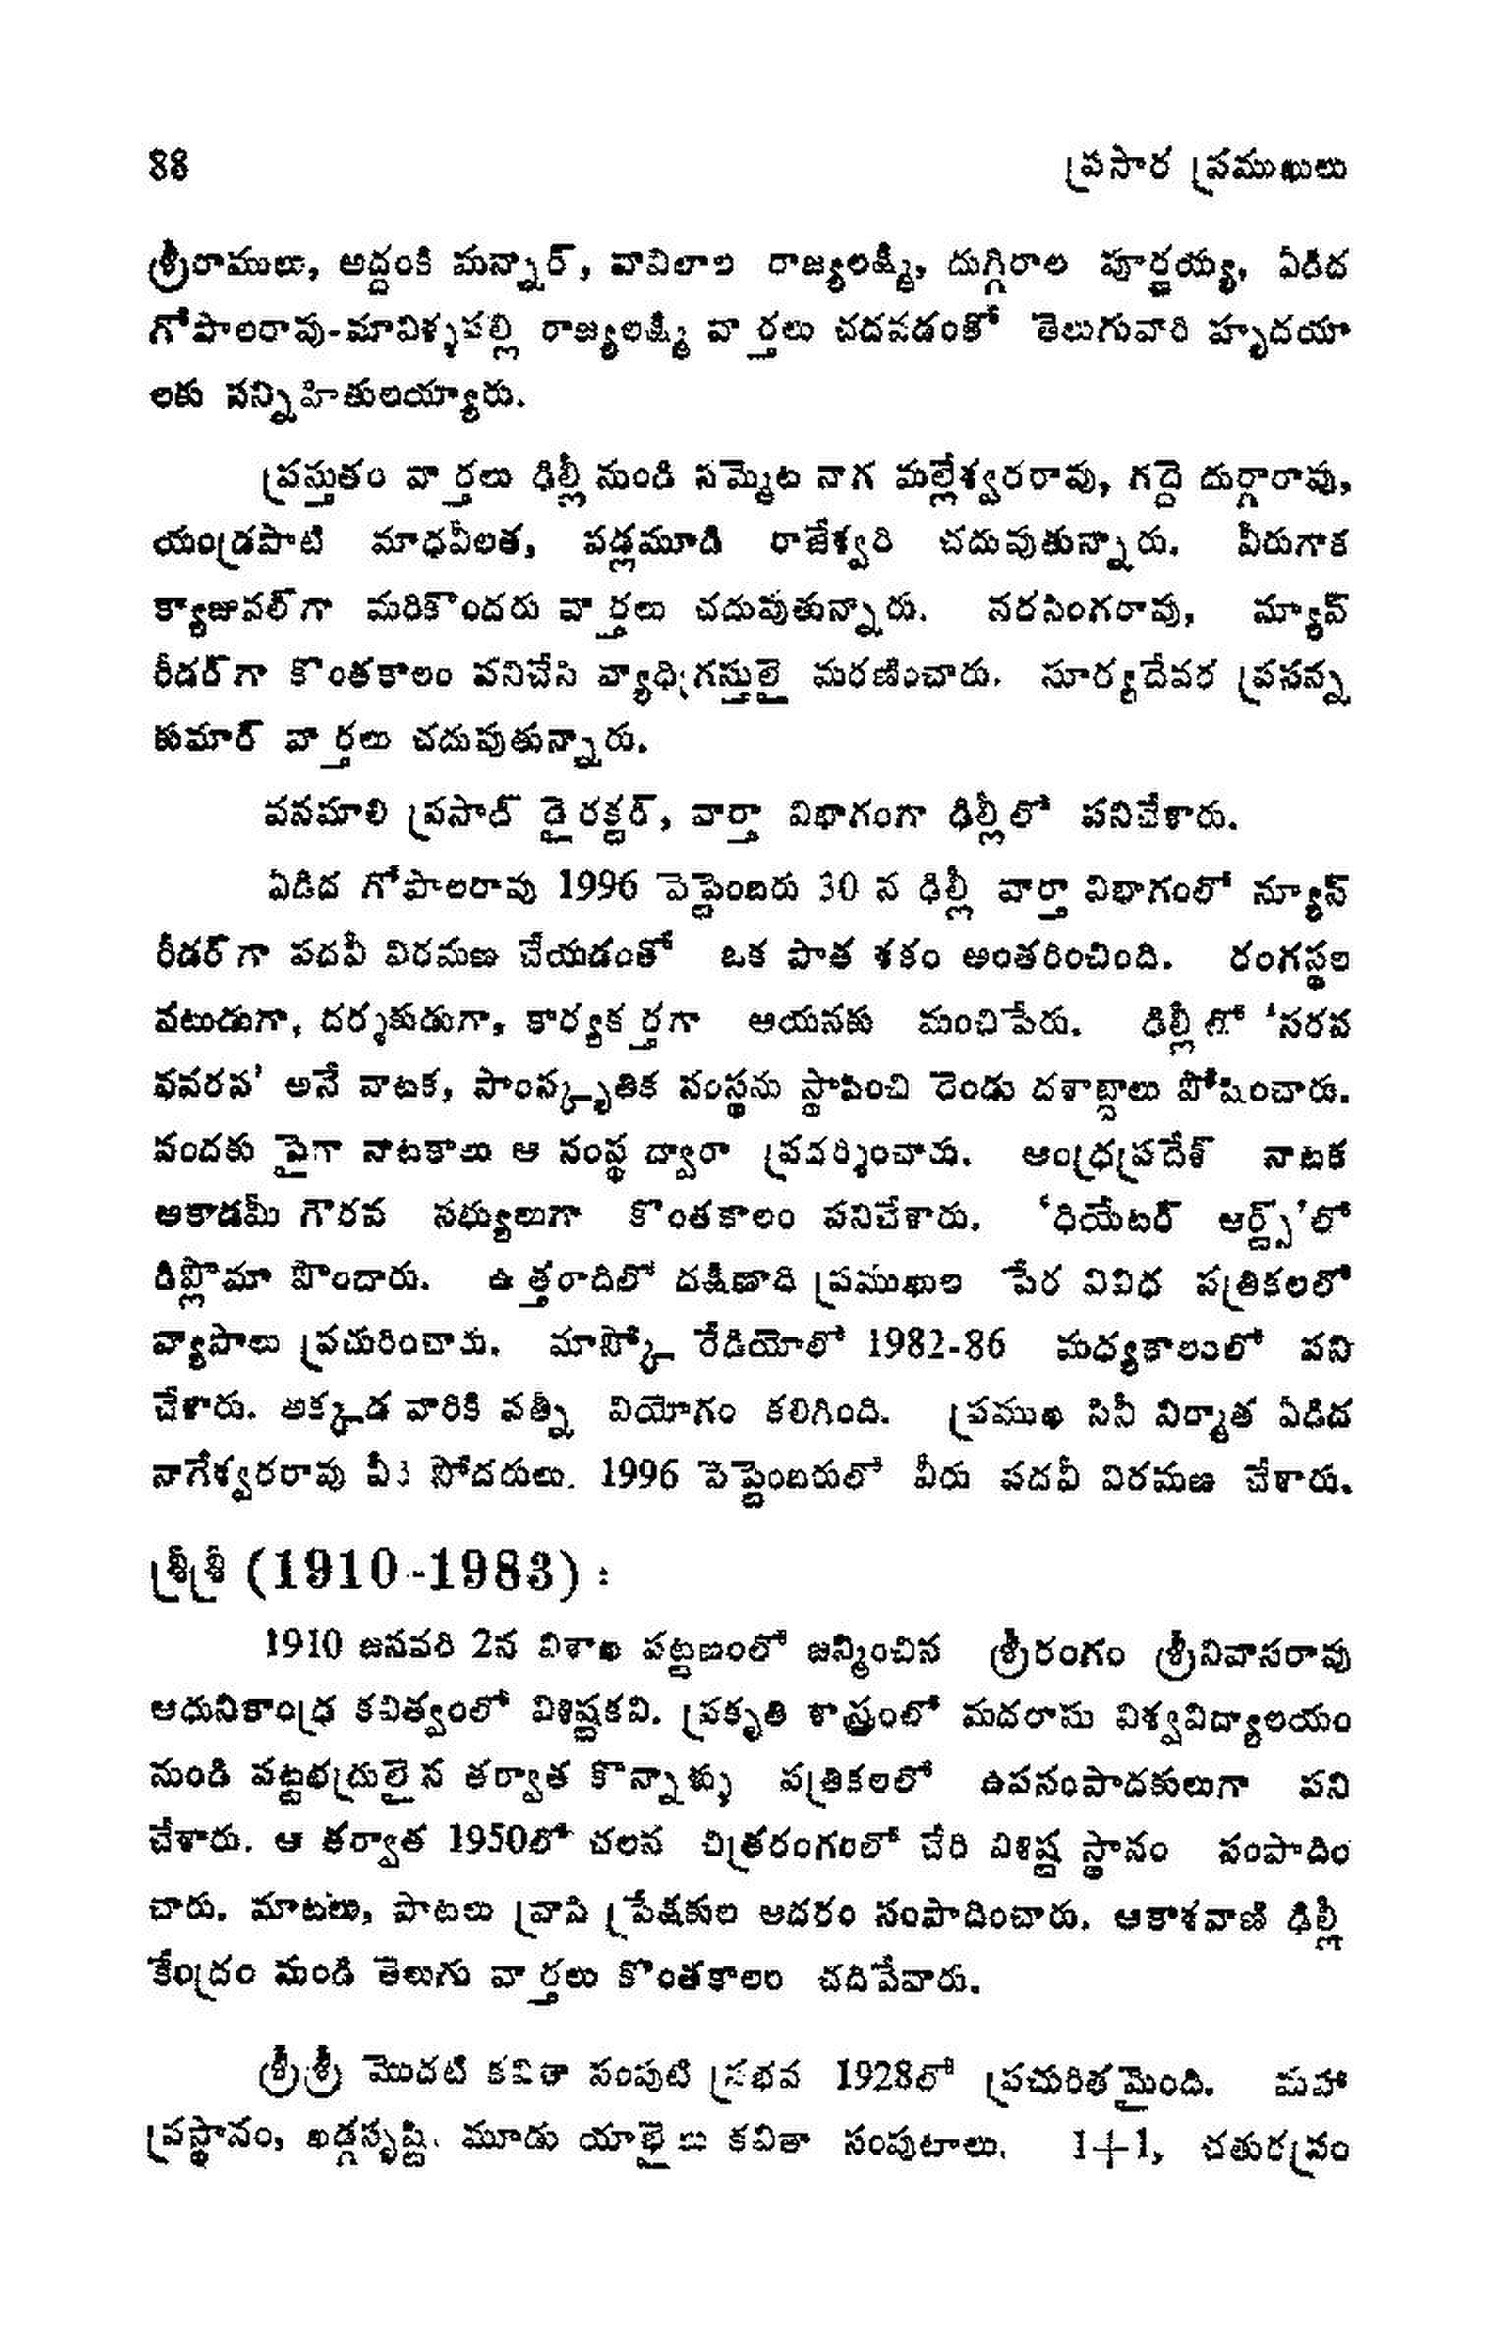శ్రీరాములు, అద్దంకి మన్నార్, వావిలాల రాజ్యలక్ష్మి, దుగ్గిరాల పూర్ణయ్య, ఏడిద గోపాలరావు - మావిళ్ళపల్లి రాజ్యలక్ష్మి వార్తలు చదవడంతో తెలుగువారి హృదయాలకు సన్నిహితులయ్యారు.

ప్రస్తుతం వార్తలు డిల్లీ నుండి సమ్మెట నాగ మల్లేశ్వరరావు, గద్దె దుర్గారావు, యండ్రపాటి మాధవీలత, వడ్లమూడి రాజేశ్వరి చదువుతున్నారు. వీరుగాక క్యాజువల్‌గా మరికొందరు వార్తలు చదువుతున్నారు. నరసింగరావు, న్యూస్ రీడర్‌గా కొంతకాలం పనిచేసి వ్యాధిగ్రస్తులై మరణించారు. సూర్యదేవర ప్రసన్నకుమార్ వార్తలు చుదువుతున్నారు.

వనమాలి ప్రసాద్ డైరక్టర్‌, వార్తా విభాగంగా ఢిల్లీలో పనిచేశారు.

ఏడిద గోపాలరావు 1996 సెప్టెంబరు 30 న ఢిల్లీ వార్తా విభాగంలో న్యూస్ రీడర్ గా పదవీ విరమణ చేయడంతో ఒక పాత శకం అంతరించింది. రంగస్థల నటుడుగా, దర్శకుడుగా, కార్యకర్తగా ఆయనకు మంచిపేరు. ఢిల్లీలో 'సరస నవరస' అనే నాటక, సాంస్కృతిక సంస్థను స్థాపించి రెండు దశాబ్దాలు పోషించారు. వందకు పైగా నాటకాలు ఆ సంస్థ ద్వారా ప్రదర్శించారు. ఆంధ్రప్రదేశ నాటక అకాడమీ గౌరవ సభ్యులుగా కొంతకాలం పనిచేశారు. 'ధియేటర్ ఆర్ట్స్‌'లో డిప్లొమా పొందారు. ఉత్తరాదిలో దక్షిణాది ప్రముఖుల పేర వివిధ పత్రికలలో వ్యాసాలు ప్రచురించారు. మాస్కో రేడియోలో 1982-86 మధ్యకాలంలో పనిచేశారు. అక్కడ వారికి పత్ని వియోగం కలిగింది. ప్రముఖ సినీ నిర్మాత ఏడిద నాగేశ్వరరావు వీరి సోదరులు. 1996 సెప్టెంబరులో వీరు పదవీ విరమణ చేశారు.

1910 జనవరి 2న విశాఖపట్టణంలో జన్మించిన శ్రీరంగం శ్రీనివాసరావు ఆధునికాంధ్ర కవిత్వంలో విశిష్టకవి. ప్రకృతి శాస్త్రంలో మదరాసు విశ్వవిద్యాలయం నుండి పట్టభద్రులైన తర్వాత కొన్నాళ్ళు పత్రికలలో ఉపసంపాదకులుగా పనిచేశారు. ఆ తర్వాత 1950లో చలన చిత్రరంగంలో చేరి విశిష్ట స్థానం సంపాదించారు. మాటలు, పాటలు వ్రాసి ప్రేక్షకుల ఆదరం సంపాదించారు. ఆకాశవాణి ఢిల్లీ కేంద్రం నుండి తెలుగు వార్తలు కొంతకాలం చదివేవారు.

శ్రీశ్రీ మొదటి కవితా సంపుటి ప్రభవ 1928లో ప్రచురితమైంది. మహా ప్రస్థానం, ఖడ్గసృష్టి, మూడు యాభైలు కవితా సంపుటాలు ! + 1, చతురస్రం